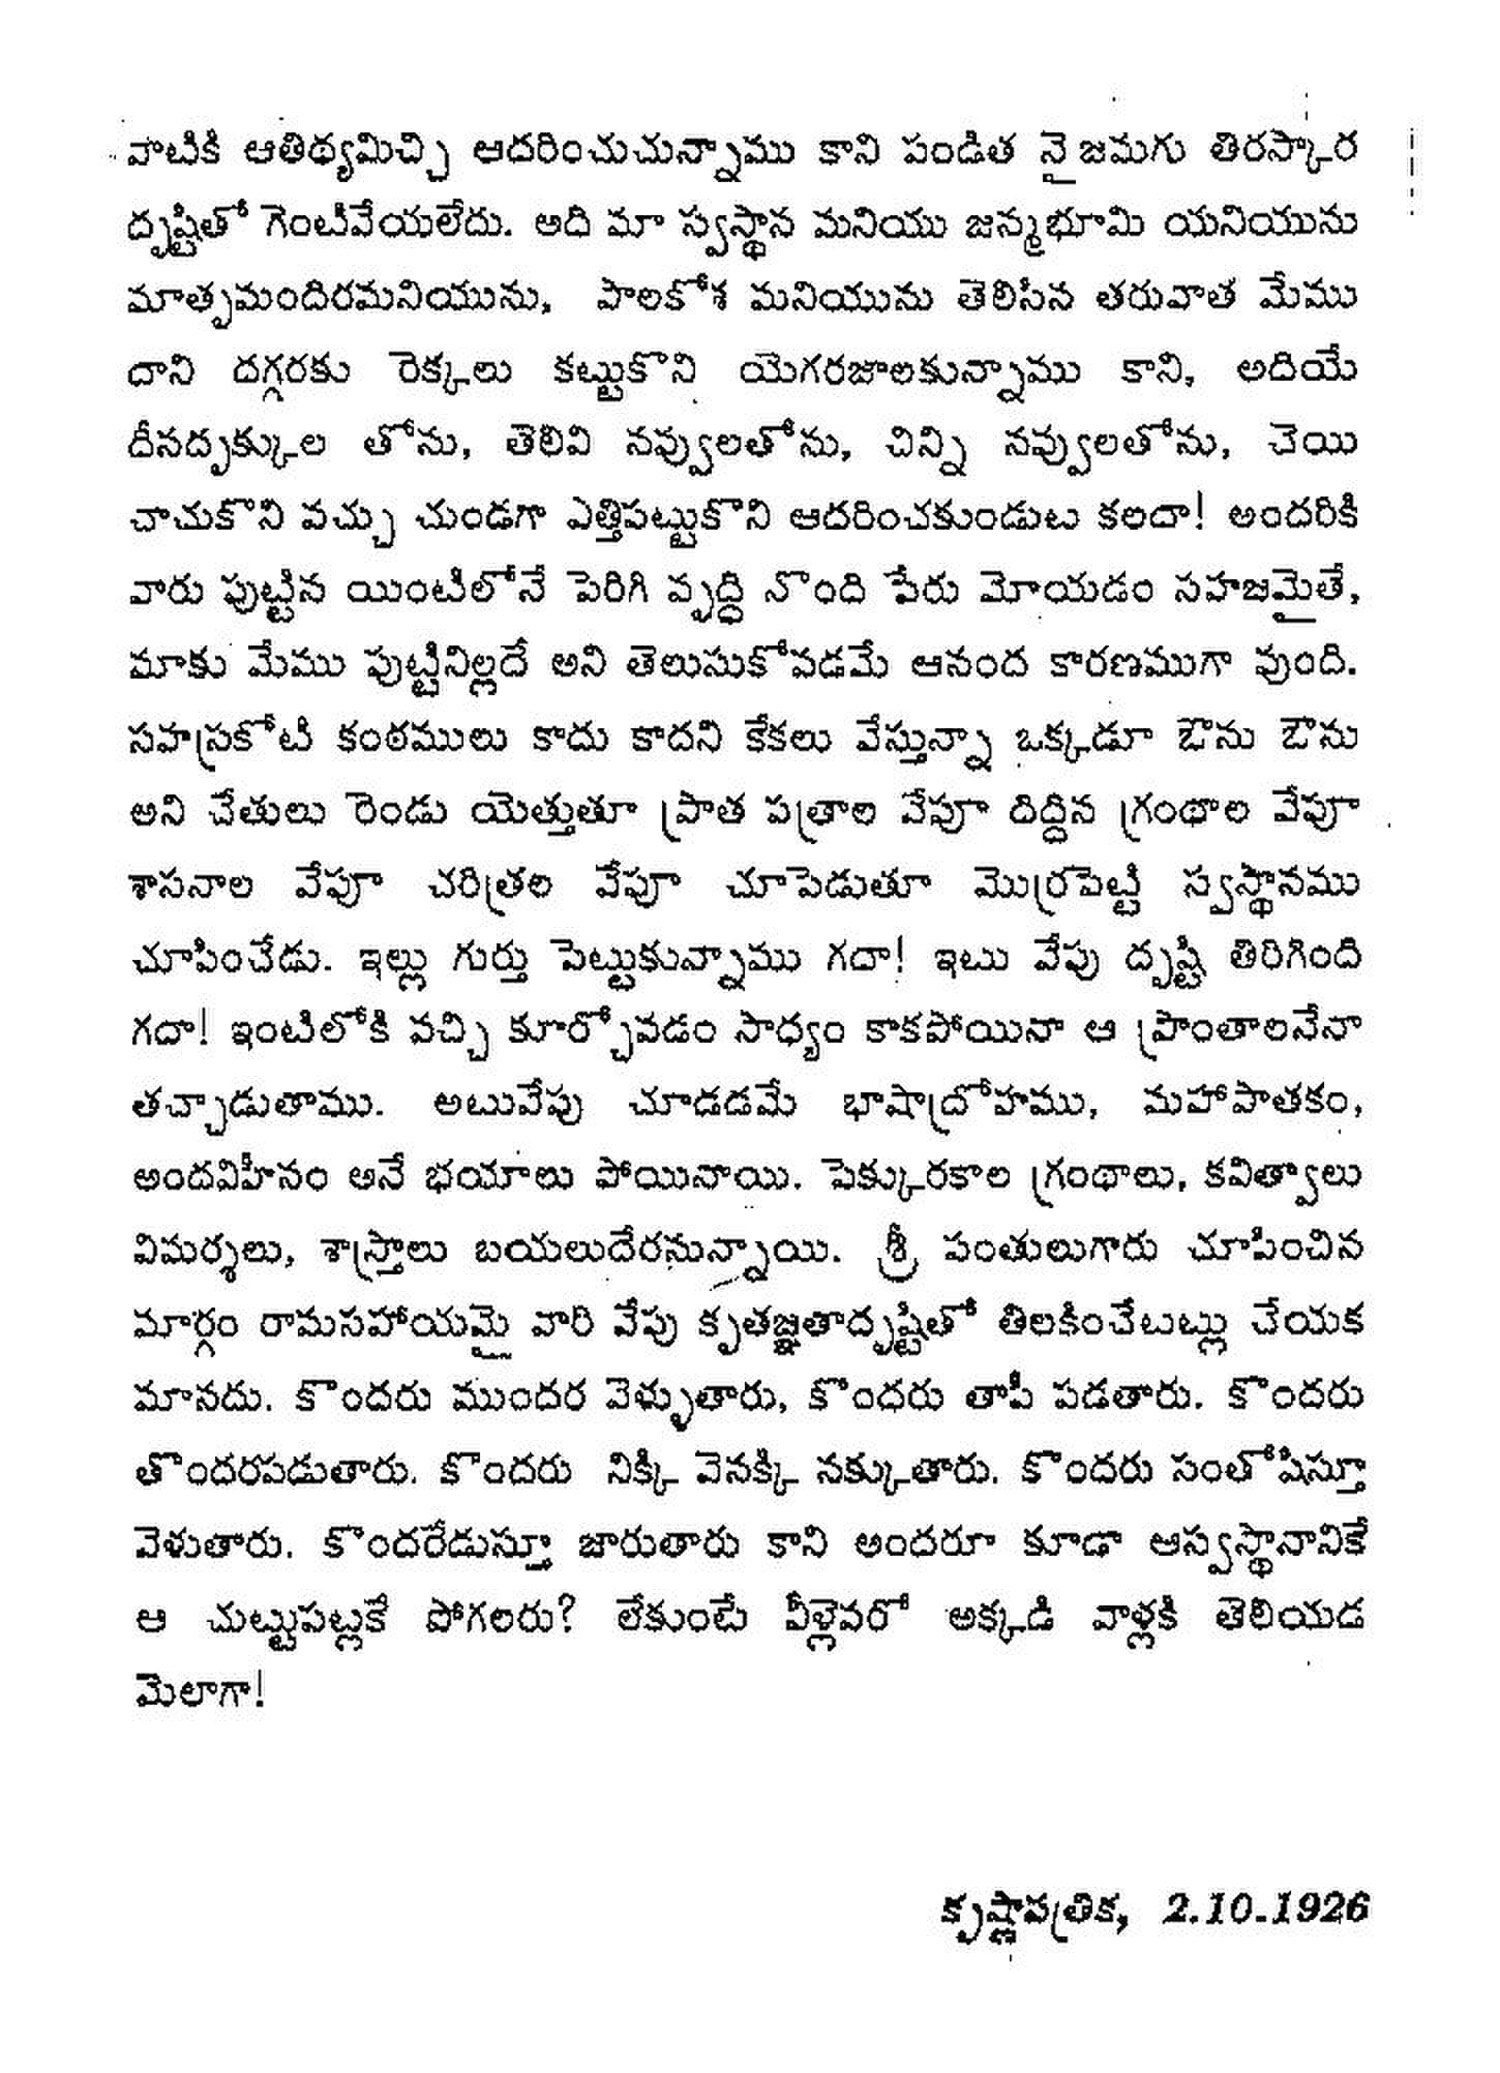వాటికి ఆతిథ్యమిచ్చి ఆదరించుచున్నాము కాని పండిత నైజమగు తిరస్కార దృష్టితో గెంటివేయలేదు. అది మా స్వస్థాన మనియు జన్మభూమి యనియును మాతృమందిరమనియును, పాలకోశ మనియును తెలిసిన తరువాత మేము దాని దగ్గరకు రెక్కలు కట్టుకొని యెగరజాలకున్నాము కాని, అదియే దీనదృక్కుల తోను, తెలివి నవ్వులతోను, చిన్ని నవ్వులతోను, చేయి చాచుకొని వచ్చు చుండగా ఎత్తిపట్టుకొని ఆదరించకుండుట కలదా! అందరికి వారు పుట్టిన యింటిలోనే పెరిగి వృద్ధి నొంది పేరు మోయడం సహజమైతే, మాకు మేము పుట్టినిల్లదే అని తెలుసుకోవడమే ఆనంద కారణముగా వుంది. సహస్రకోటి కంఠములు కాదు కాదని కేకలు వేస్తున్నా ఒక్కడూ ఔను ఔను అని చేతులు రెండు యెత్తుతూ ప్రాత పత్రాల వేపూ దిద్దిన గ్రంథాల వేపూ శాసనాల వేపూ చరిత్రల వేపూ చూపెడుతూ మొర్రపెట్టి స్వస్థానము చూపించేడు. ఇల్లు గుర్తు పెట్టుకున్నాము గదా! ఇటు వేపు దృష్టి తిరిగించి గదా! ఇంటిలోకి వచ్చి కూర్చోవడం సాధ్యం కాకపోయినా ఆ ప్రాంతాలనేనా తచ్చాడుతాము. అటువేపు చూడడమే భాషాద్రోహము, మహాపాతకం, అందవిహీనం అనే భయాలు పోయినాయి. పెక్కురకాల గ్రంథాలు, కవిత్వాలు విమర్శలు, శాస్త్రాలు బయలుదేరనున్నాయి. శ్రీ పంతులుగారు చూపించిన మార్గం రామసహాయమై వారి వేపు కృతజ్ఞతాదృష్టితో తిలకించేటట్లు చేయక మానదు. కొందరు ముందర వెళ్ళుతారు. కొందరు తాపీ పడతారు. కొందరు తొందరపడుతారు కొందరు నిక్కి వెనక్కి నక్కుతారు కొందరు సంతొషిస్తూ వెళుతారు. కొందరేడుస్తూ జారుతారు కాని అందరూ కూడా ఆస్వస్థానానికే ఆ చుట్టుపట్లకే పోగలరు? లేకుంటే వీళ్లెవరో అక్కడి వాళ్లకి తెలియడ మెలాగా!